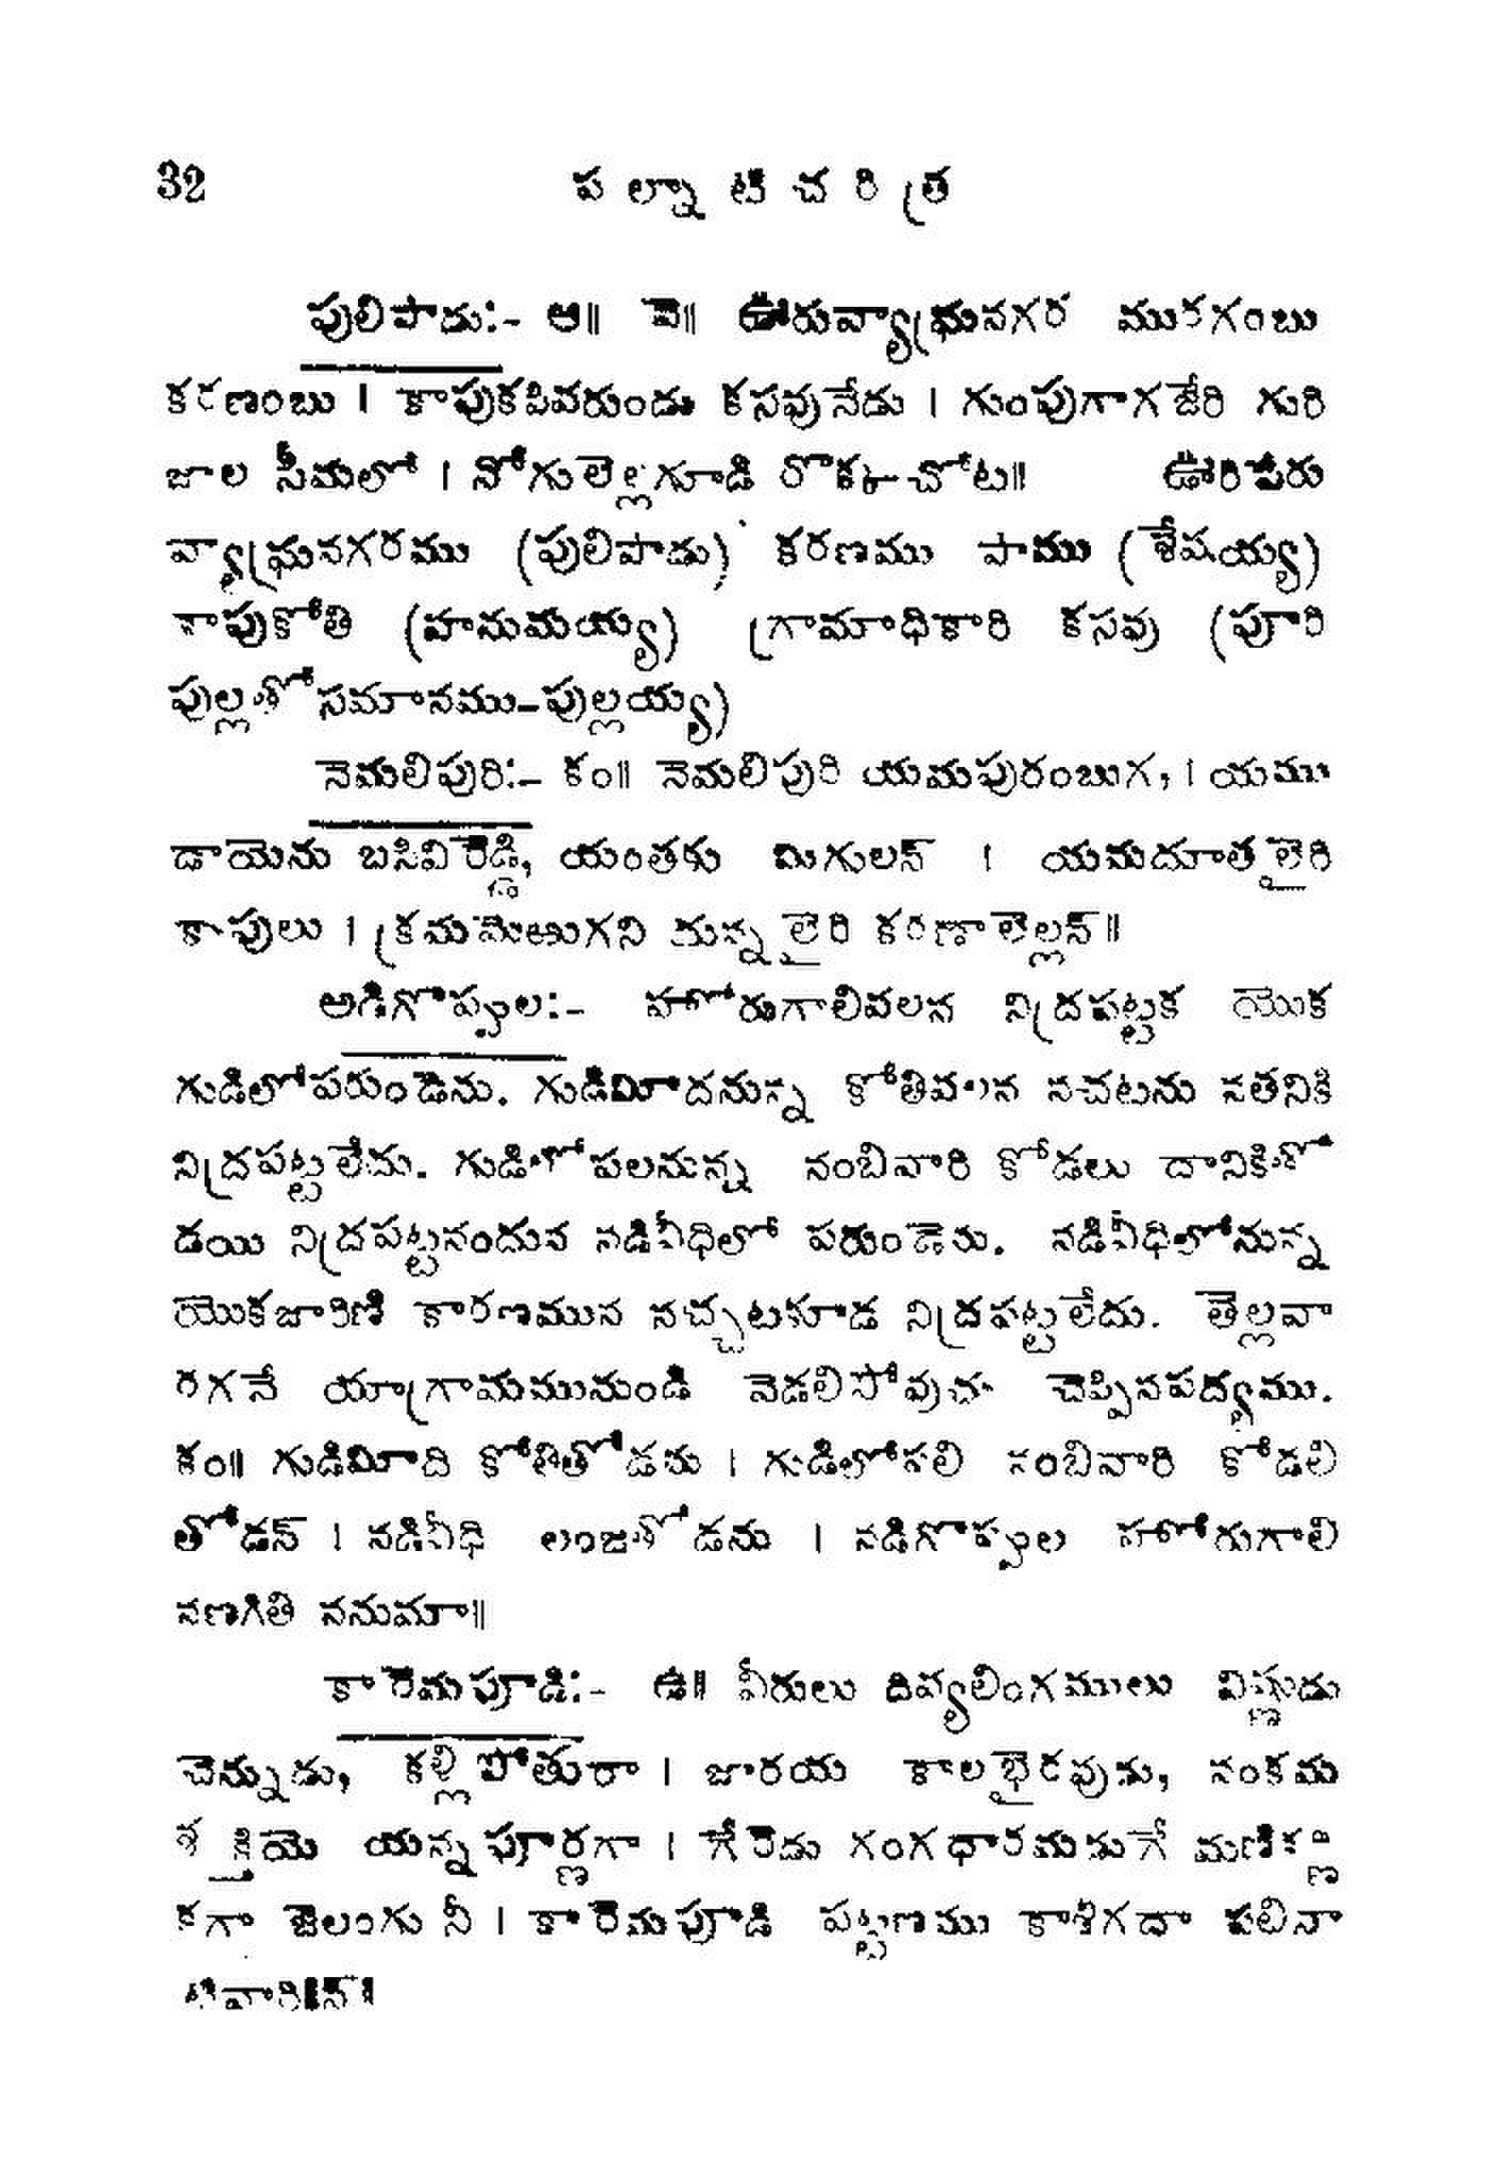పులిపాడు:- 

ఆ॥ వె॥ ఊరువ్యాఘ్ర నగర మురగంబు కరణంబు 
 కాపుకపివరుండు కసవునేడు | 
 గుంపుగాగజేరి గురిజాల సీమలో ! 
 నోగులెల్ల గూడి రొక్క చోట!!
 
ఊరి పేరు వ్యాఘ్రనగరము (పులిపాడు) కరణము పాము (శేషయ్య)
కాపుకోతి (హనుమయ్య) గ్రామాధికారి కసవు (పూరిపుల్లతోసమానము-పుల్లయ్య)

నెమలిపురి:- 

కం॥ నెమలిపురి యమపురంబుగ, 
 యముడాయెను బసివి రెడ్డి, యంతకు మిగులన్ | 
 యమదూత లైరి కాపులు | 
 క్రమమెఱుగని దున్న లైరి కరణాలెల్లన్
 

అడిగొప్పుల:- 
హోరుగాలివలన నిద్రపట్టక యొక గుడిలో పరుండెను. గుడిమీదనున్న కోతివలన 
నచటను నతనికి నిద్రపట్టలేదు. గుడిలోపలనున్న నంబివారి కోడలు దానికి
తోడయి నిద్రపట్టనందున నడివీధిలో పరుండెను. నడివీధిలోనున్న
యొకజారిణి కారణమున నచ్చటకూడ నిద్రపట్టలేదు. తెల్లవారగనే 
యాగ్రామమునుండి వెడలిపోవుచు చెప్పిన పద్యము.

కం॥ గుడిమీది కోతితోడను ! 
 గుడిలోపలి నంబివారి కోడలి తోడన్ 
 నడివీధి లంజతోడను। 
 నడిగొప్పుల హోరుగాలి నణగితి ననుమా॥
 
 
కారెమపూడి:- 

ఉ॥ వీరులు దివ్యలింగములు విష్ణుడుచెన్నుడు, కళ్లి పోతురా | 
 జారయ కాలభైరవుడు, నంకమ శక్తియె యన్నపూర్ణగా | 
 గేరెడు గంగధారమడుగే మణికర్ణికగా జెలంగు నీ | 
 కారెమపూడి పట్టణము కాశీగదా పలినాటివారికిన్|